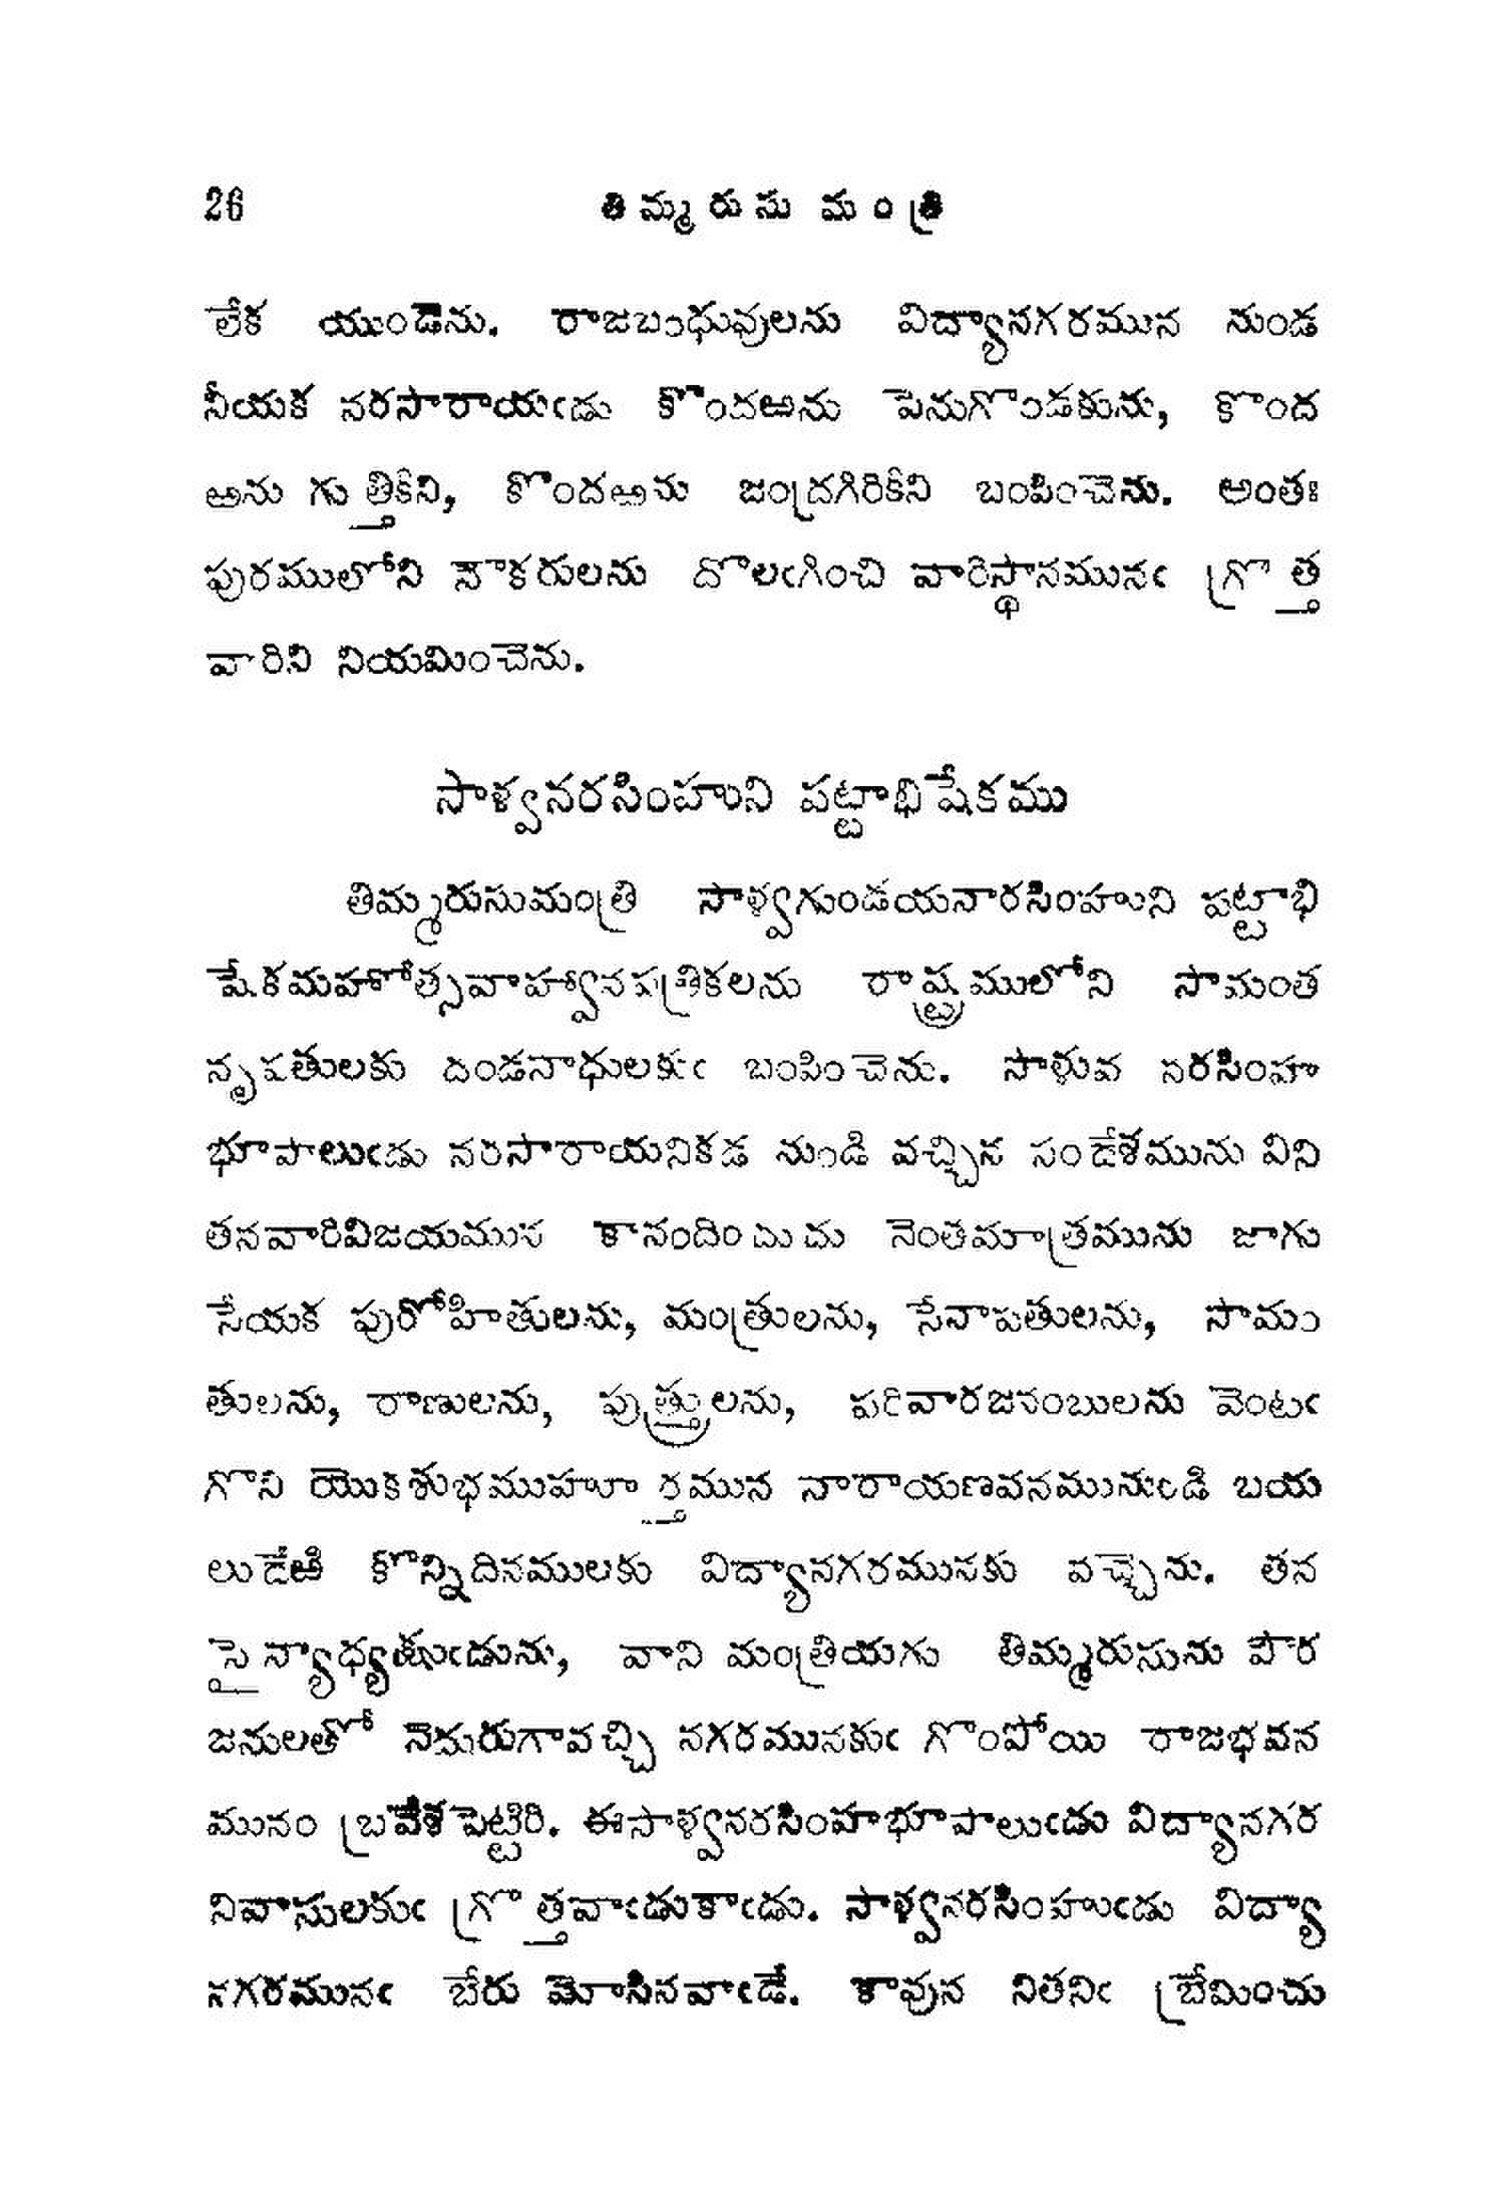లేక యుండెను. రాజబంధువులను విద్యానగరమున నుండనీయక నరసారాయఁడు కొందఱను పెనుగొండకును, కొందఱను గుత్తికిని, కొందఱను జంద్రగిరికిని బంపించెను. అంతః పురములోని నౌకరులను దొలఁగించి వారెస్థానమునఁ గ్రొత్తవారిని నియమించెను.

సాళ్వనరసింహుని పట్టాభిషేకము 

తిమ్మరుసుమంత్రి సాళ్వగుండయనారసింహుని పట్టాభిషేకమహోత్సవాహ్వాన పత్రికలను రాష్ట్రములోని సామంత నృపతులకు దండనాధులకుఁ బంపించెను. సాళువ నరసింహ భూపాలుఁడు నరసారాయనికడ నుండి వచ్చిన సందేశమును విని తనవారివిజయమున కానందించుచు నెంతమాత్రమును జాగుసేయక పురోహితులను, మంత్రులను, సేనాపతులను, సామంతులను, రాణులను, పుత్త్రులను, పరివారజనంబులను వెంటఁగొని యొకశుభముహూ ర్తమున నారాయణవనమునుండి బయలుదేఱి కొన్నిదినములకు విద్యానగరమునకు వచ్చెను. తన సైన్యాధ్యక్షుడును, వాని మంత్రియగు తిమ్మరుసును పౌరజనులతో నెదురుగావచ్చి నగరమునకుఁ గొంపోయి రాజభవనమునం బ్రవేశపెట్టిరి. ఈసాళ్వనరసింహభూపాలుఁడు విద్యానగర నివాసులకుఁ గ్రొత్తవాడుకాఁడు. సాళ్వనరసింహుఁడు విద్యానగరమునఁ బేరు మోసినవాఁడే. కావున నితని బ్రేమించు